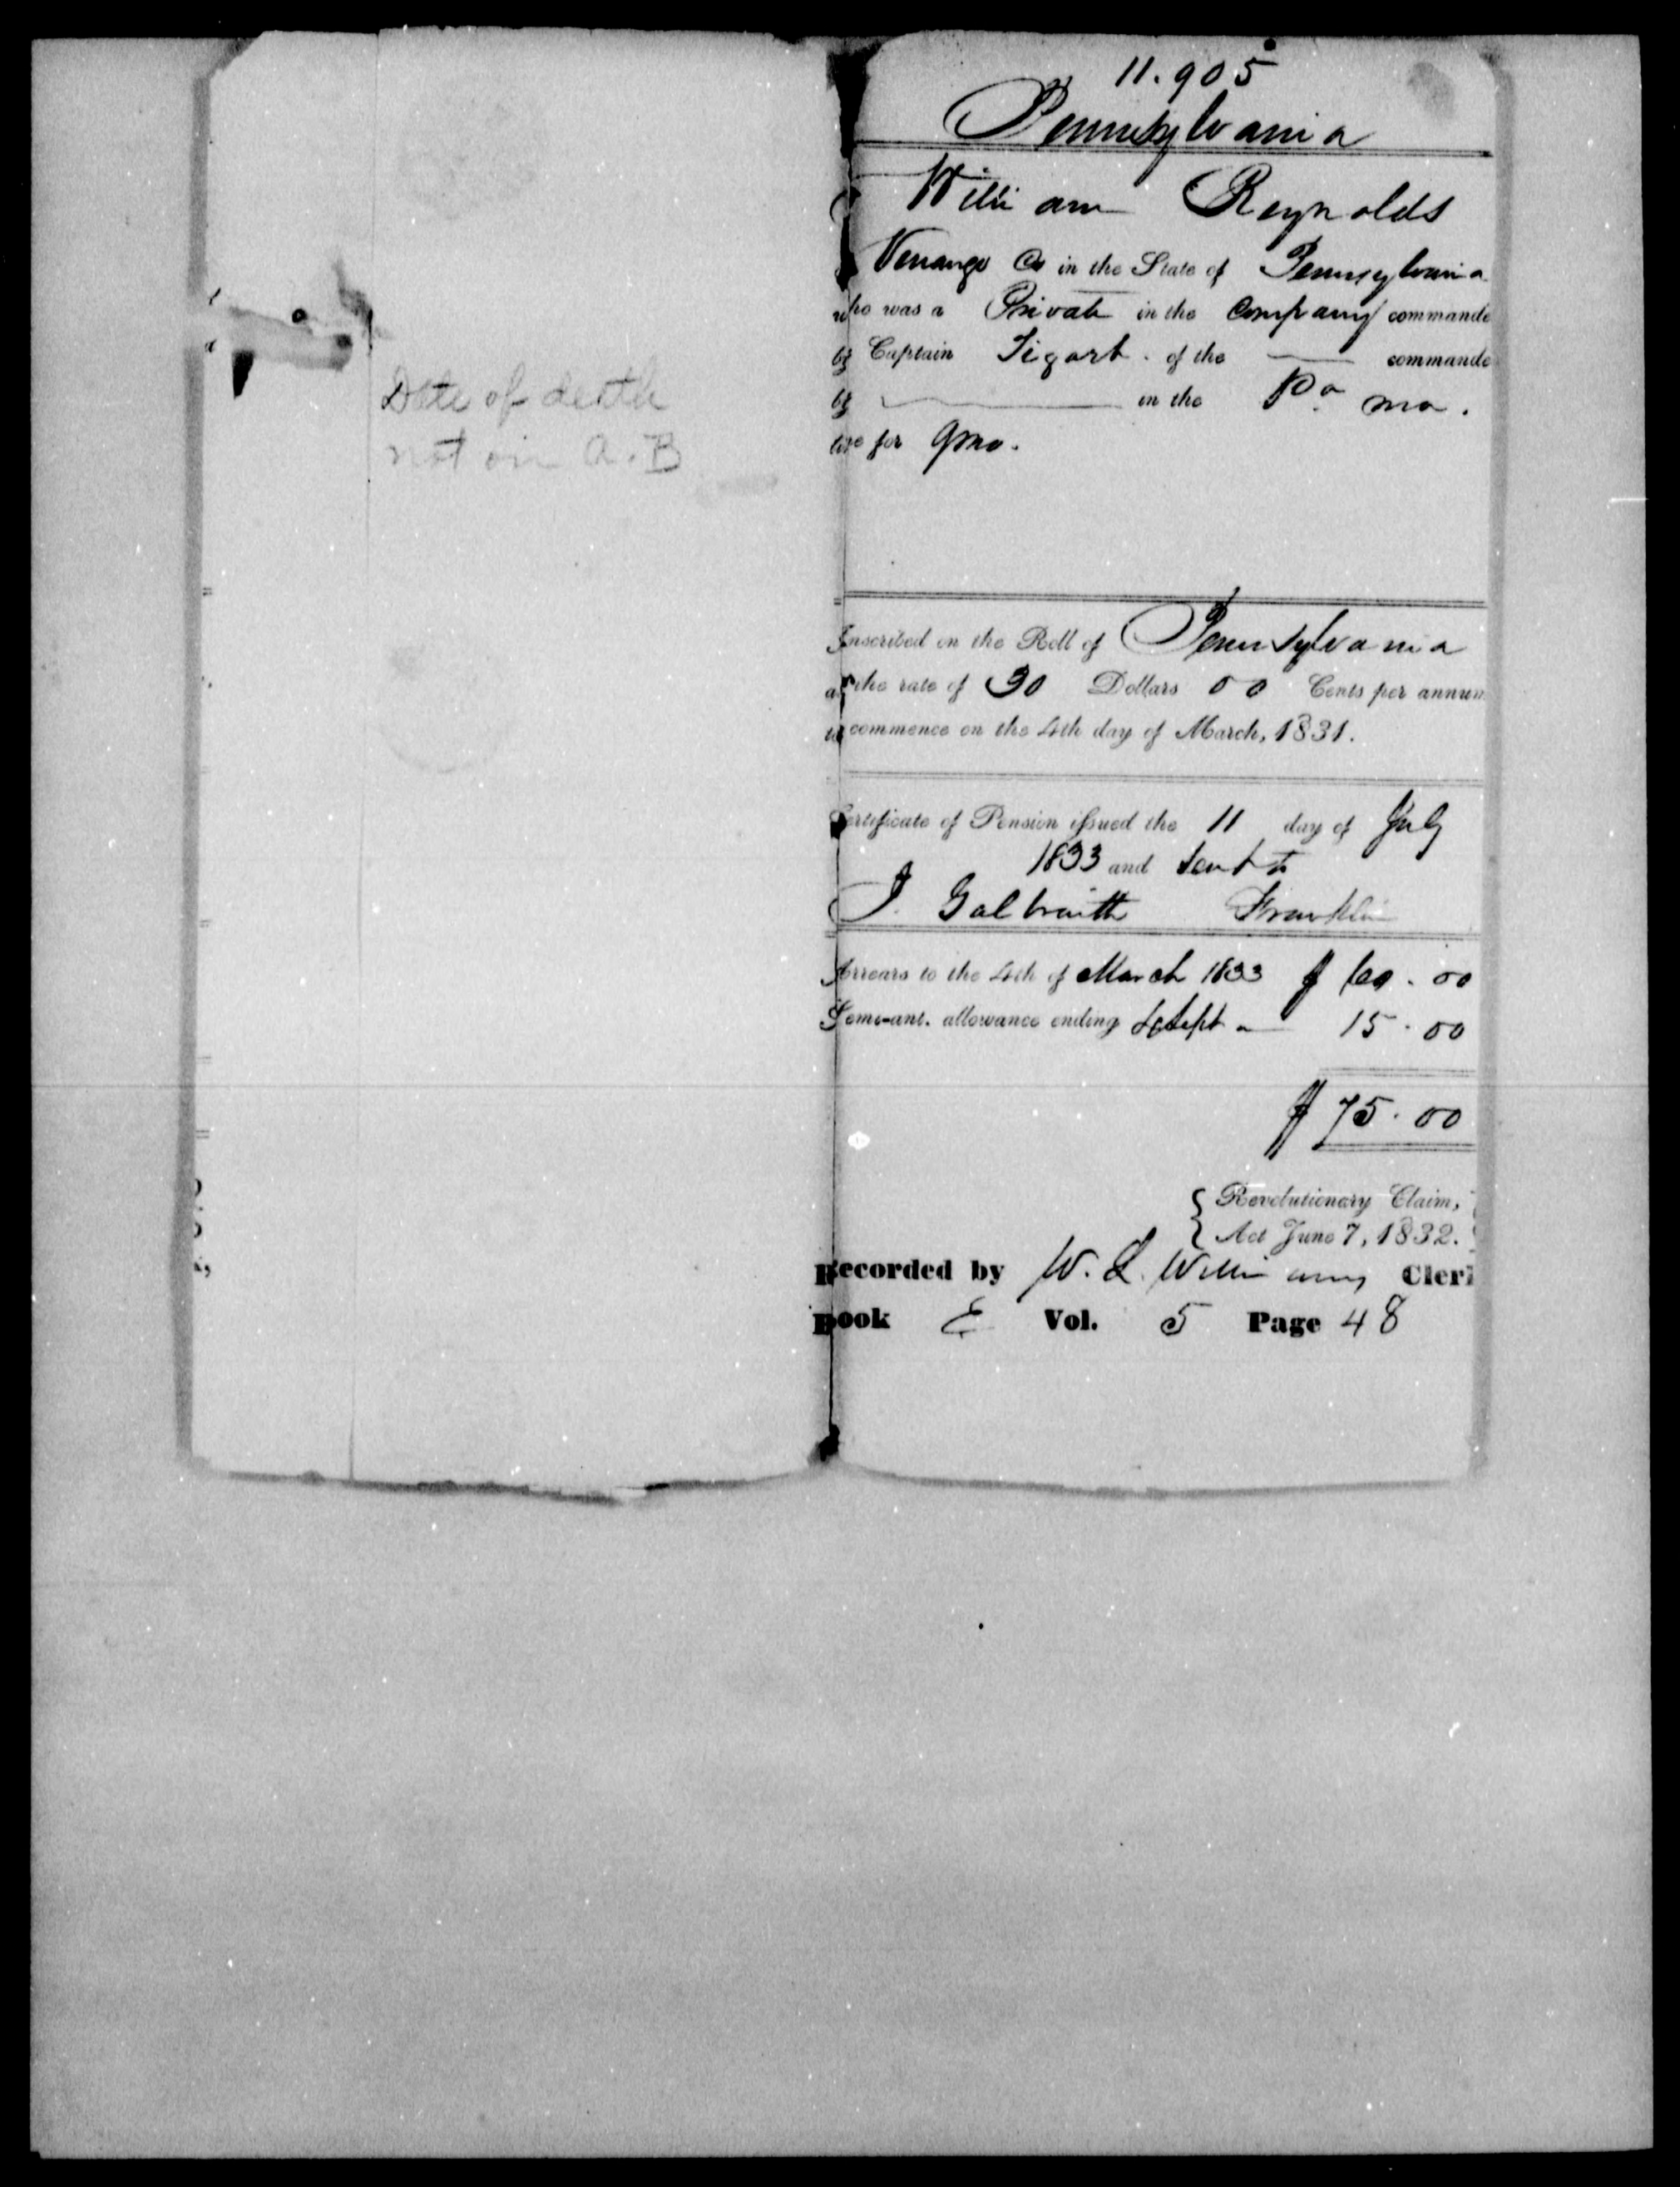Date of death
not on AB

11.905
Pennsylvania
William Reynolds
Venango Co in the State of Pennsylvania
who was a Private in the company commanded
by Captain Tigart of the ______ commanded by ______
in the Pa. arena
for gmo.

Inscribed in the Roll of Pennsylvania
the rate of 30 Dollars 00 Cents per annum
to commence on the 4th day of March, 1831.

===
Certificate of Pension issued the 11 day of July
1833 and sent to 
J Galbraith Franklin
Arrears to the 4th of March 1833 60.00
Semi-ant. allowance ending Sept    15.00
                     $75.00

Revolutionary Claim,
Act June 7, 1832.
recorded by W. L. Williams Clerk
Book E Vol. 5 Page 48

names: [BLANK] Tigart; J Galbraith; William Reynolds; W L Williams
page: 2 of 19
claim: survivor's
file: S. 14,273, for William Reynolds, Pennsylvania